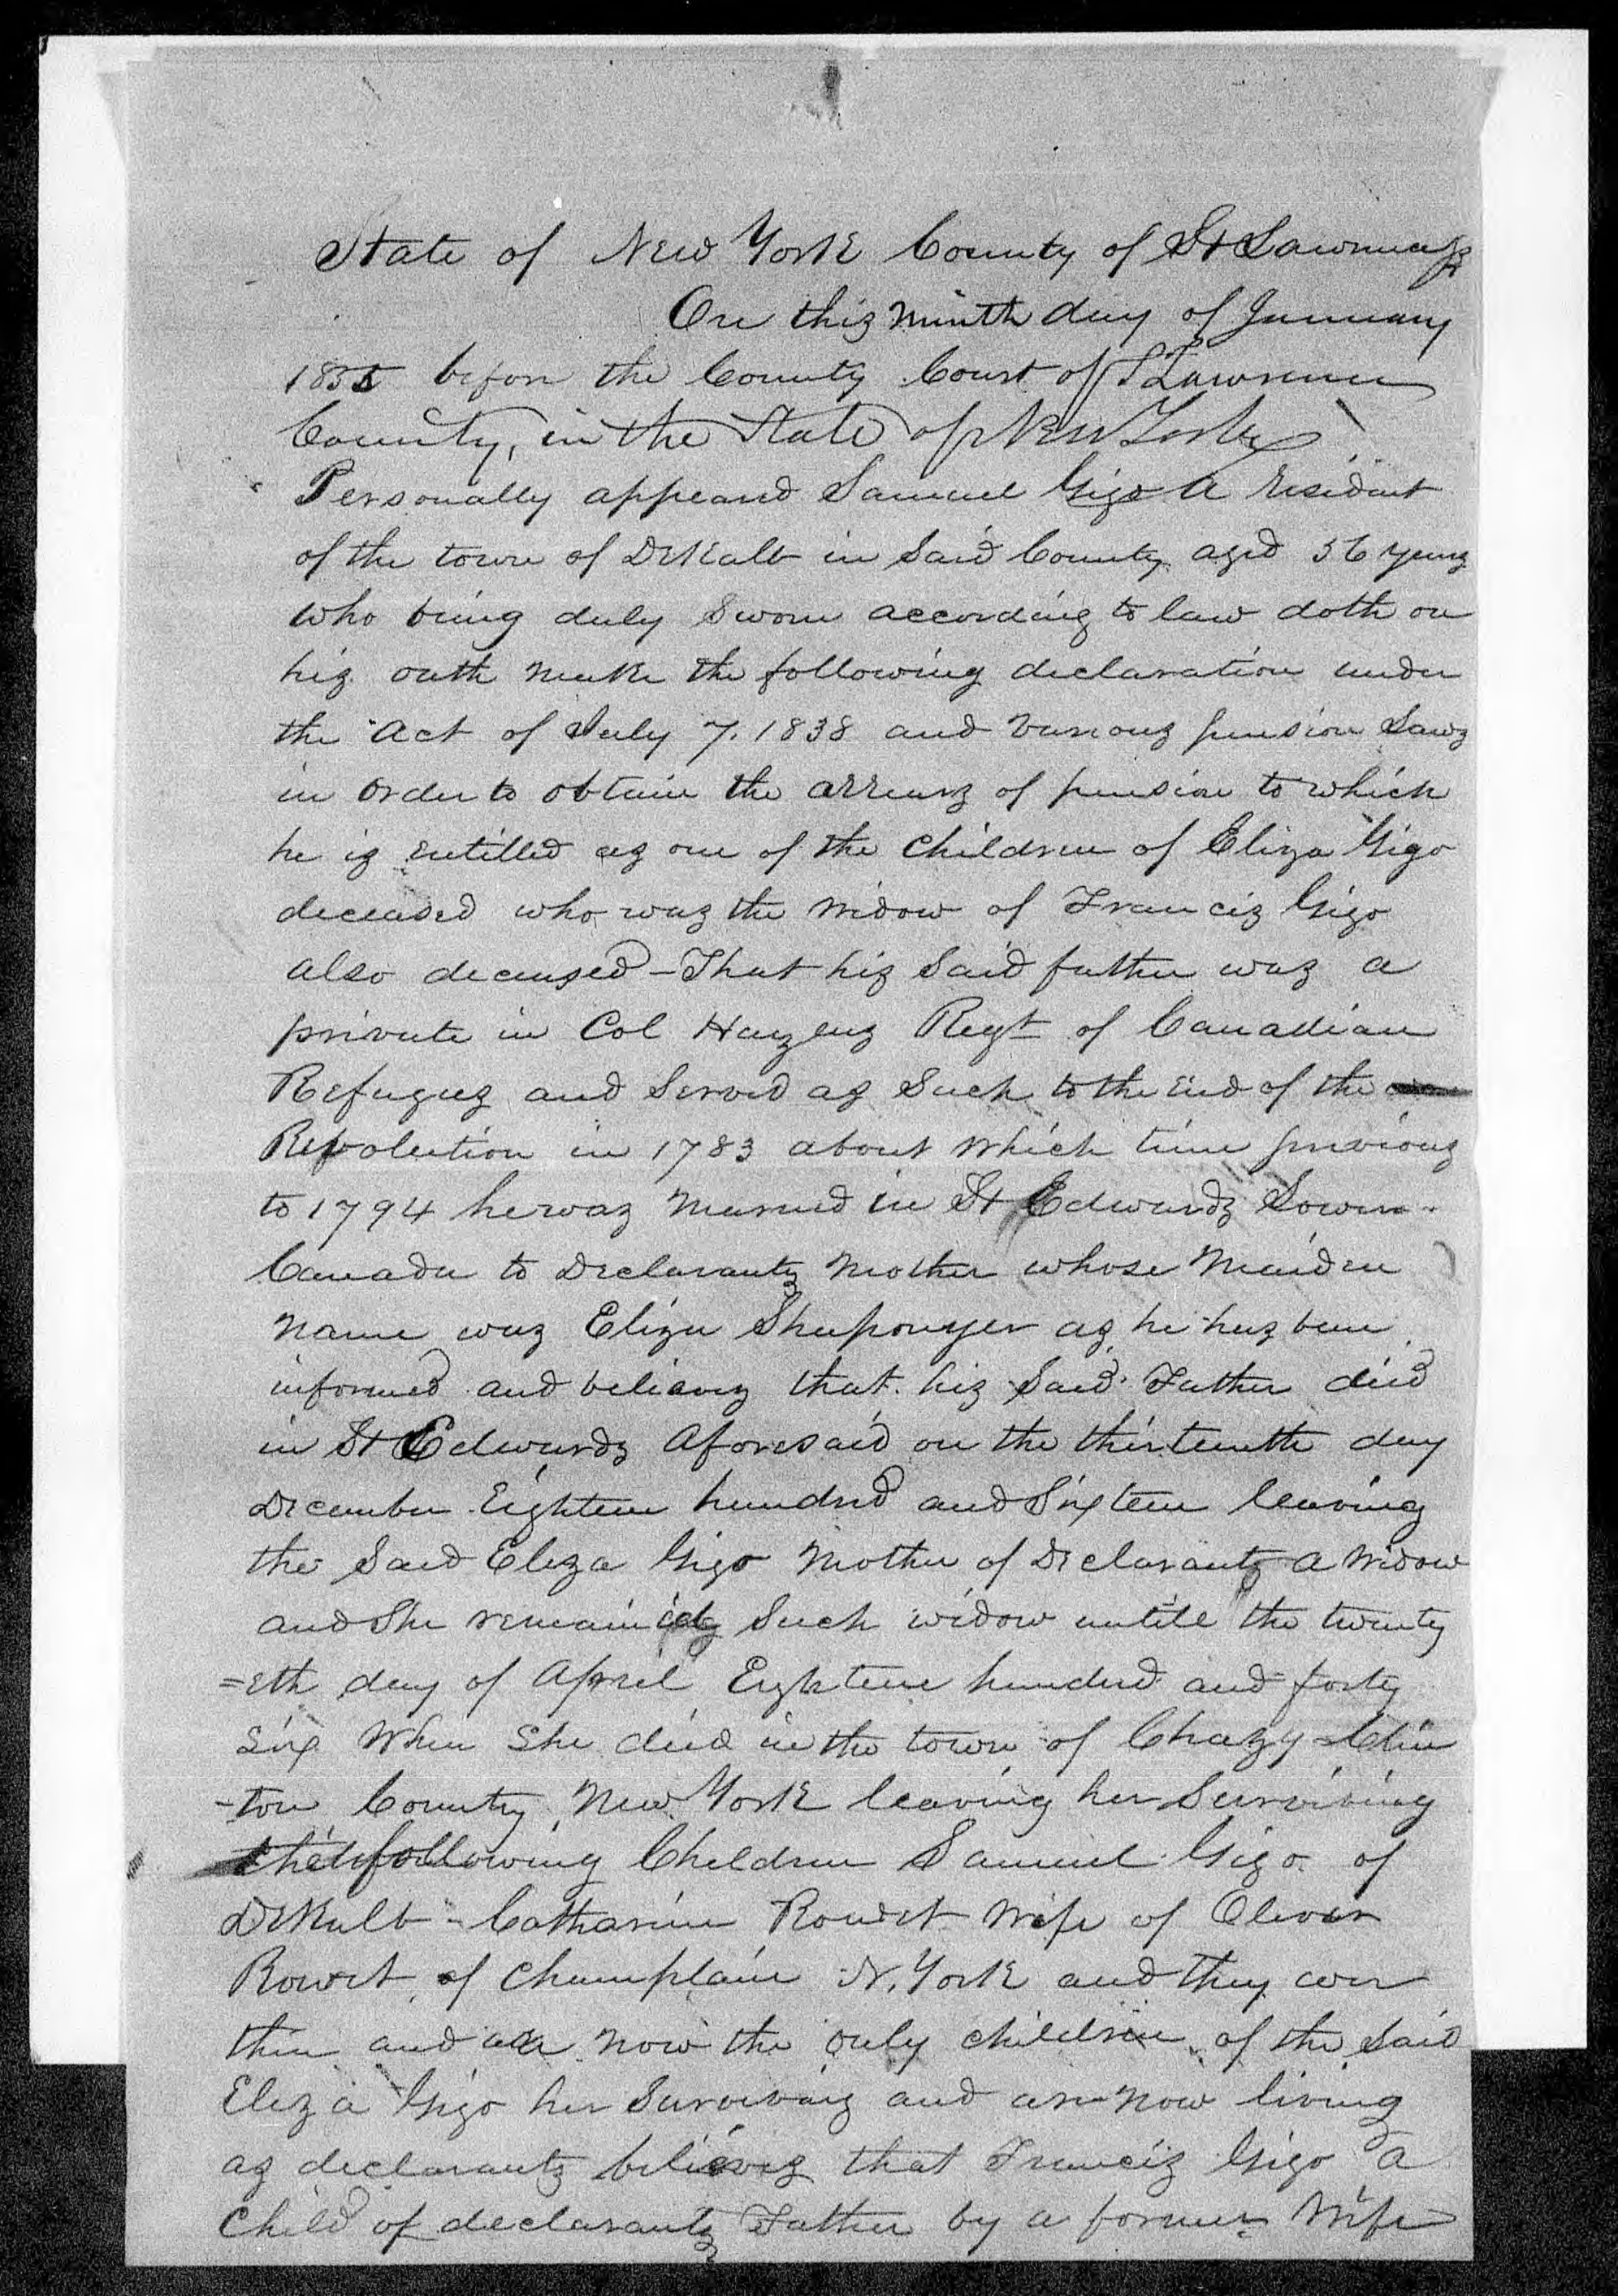State of New York  County of St. Lawrence
  On this ninth day of January 1855 before the County Court of S Lawrence County, in the State of New York
Personally appeared Samuel Gigo a resident of the town of DeKalb in said county aged 56 years who being duly sworn according to law doth on hiz oath make the following declaration under the act of July 7, 1838 and various pension lawz in order to obtain the arrearz of pension to which he is entitled az one of the children of Eliza Gigo deceased who was the widow of Francis Gigo also deceased - That hiz said father waz a private in Col. Hazens Regt of Canadian Refugeez and served az such to the end of the Revolution in 1783 about which time previous to 1794 he waz married in St Edwards Town Canada to declarantz mother whose maiden name waz Eliza Shupouyer az he haz been informed and believing that hiz said Father died in St. Edwardz aforesaid on the thirteenth day of December Eighteen hundred and Sixteen leaving the Said Eliza Gigo mother of declarantz a widow and she remaining such widow until the twentyeth day of April Eighteen hundred and forty six when she died in the town of Chazy Clinton County New York leaving her surviving the following children Samuel Gigo of DeKalb - Catharine Rowit wife of Oliver Rowit of Champlain .York and they were then and are now the only children of the said Eliza Gigo her surviving and are now living
az declarantz believez that Francis Gigo a child of declarantz Father by a former wife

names: Samuel Gigo, Eliza Shupowyer, Oliver Rowet, Francis Gigo, Samuel Gigo, Francis Gigo, Eliza Gigo, Catharine Rowet, Eliza Gigo, Eliza Gigo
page: 7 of 98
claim: widow's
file: W. 21182, Francis Gigo, Continental (Canadian)